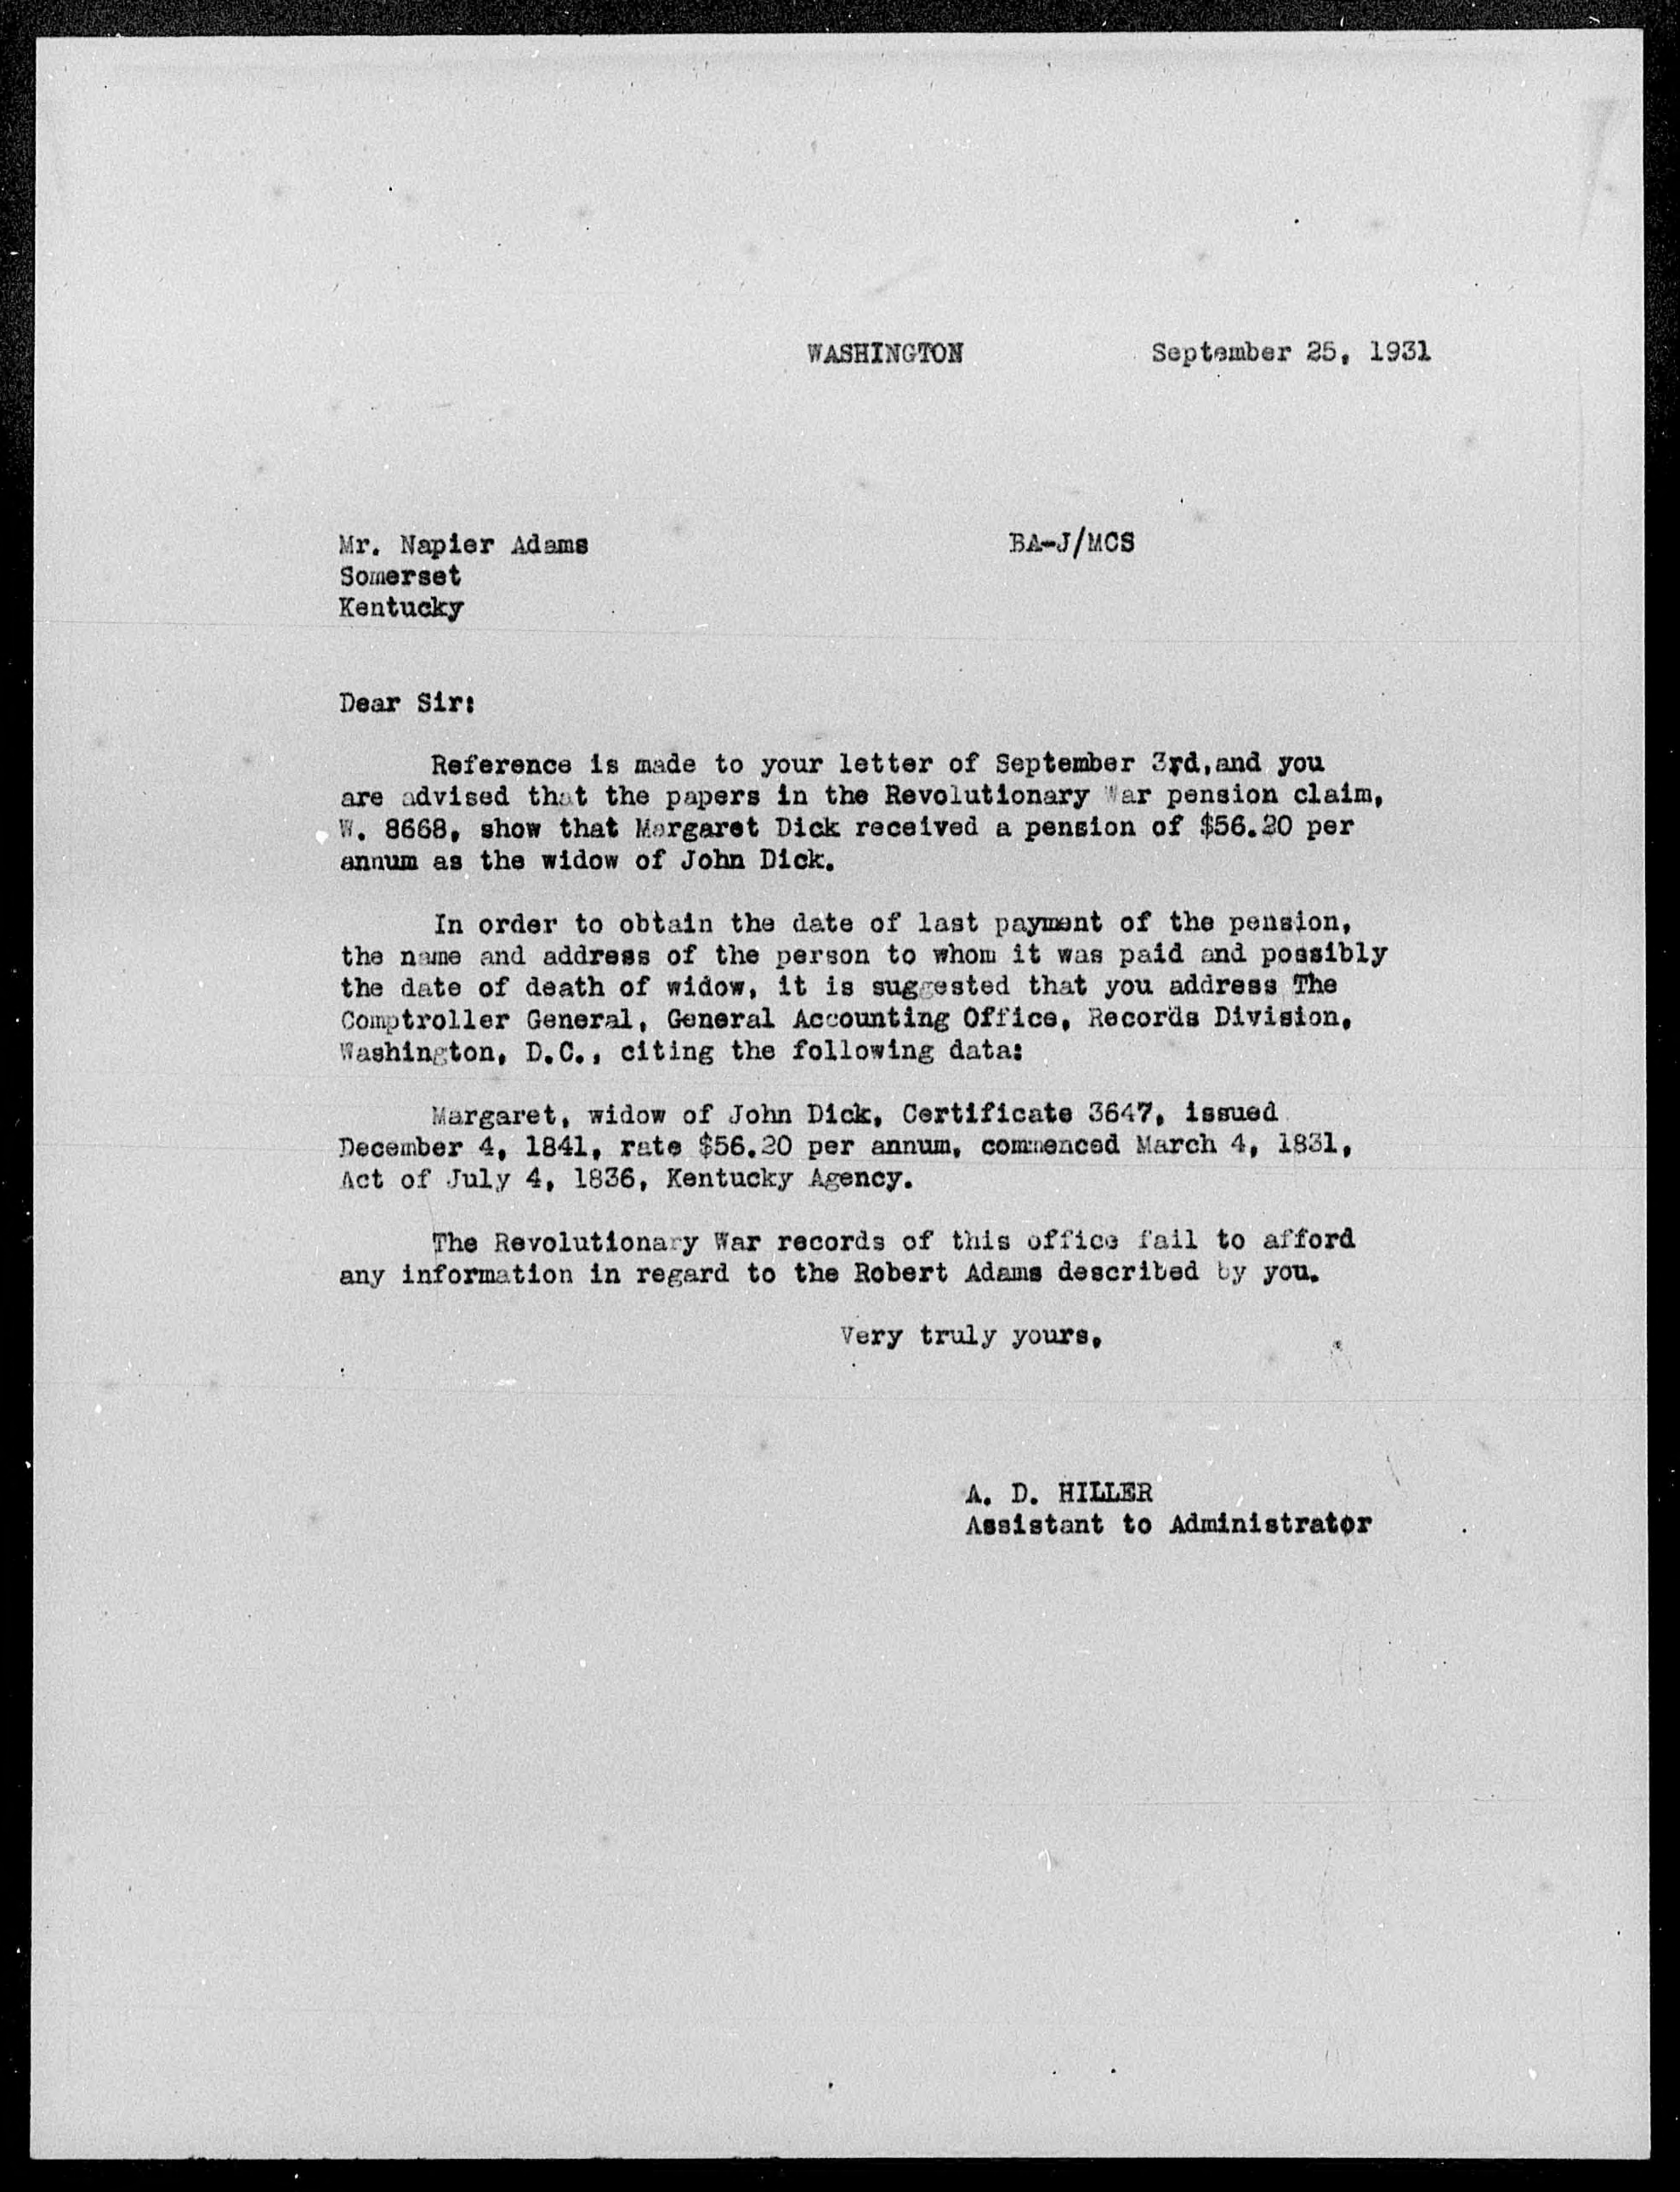WASHINGTON BA-J/MCS September 25, 1931 Mr. Napier Adams 
Somerset 
Kentucky 
Dear Sir: 
Reference is made to your letter of September 3rd, and you are advised that the papers in the Revolutionary War pension claim, W. 8668, show that Margaret Dick received a pension of $56.20 per annum as the widow of John Dick. In order to obtain the date of last payment of the pension, the name and address of the person to whom it was paid and possibly the date of death of widow, it is suggested that you address the Comptroller General, General Accounting Office, Records Division, Washington, D.C., citing the following data: Margaret, widow of John Dick, Certificate 3647, issued December 4, 1841, rate $56.20 per annum, commenced March 4, 1831, Act of July 4, 1836, Kentucky Agency. The Revolutionary War records of this office fail to afford any information in regard to the Robert Adams described by you. Very truly yours, A. D. HILLER Assistant to Administrator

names: Robert Adams, Napier Adams, A D Hiller, John Dick, Margaret Dick, John Dick, Margaret Dick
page: 11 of 31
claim: widow's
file: W. 8668, John Dick, S C